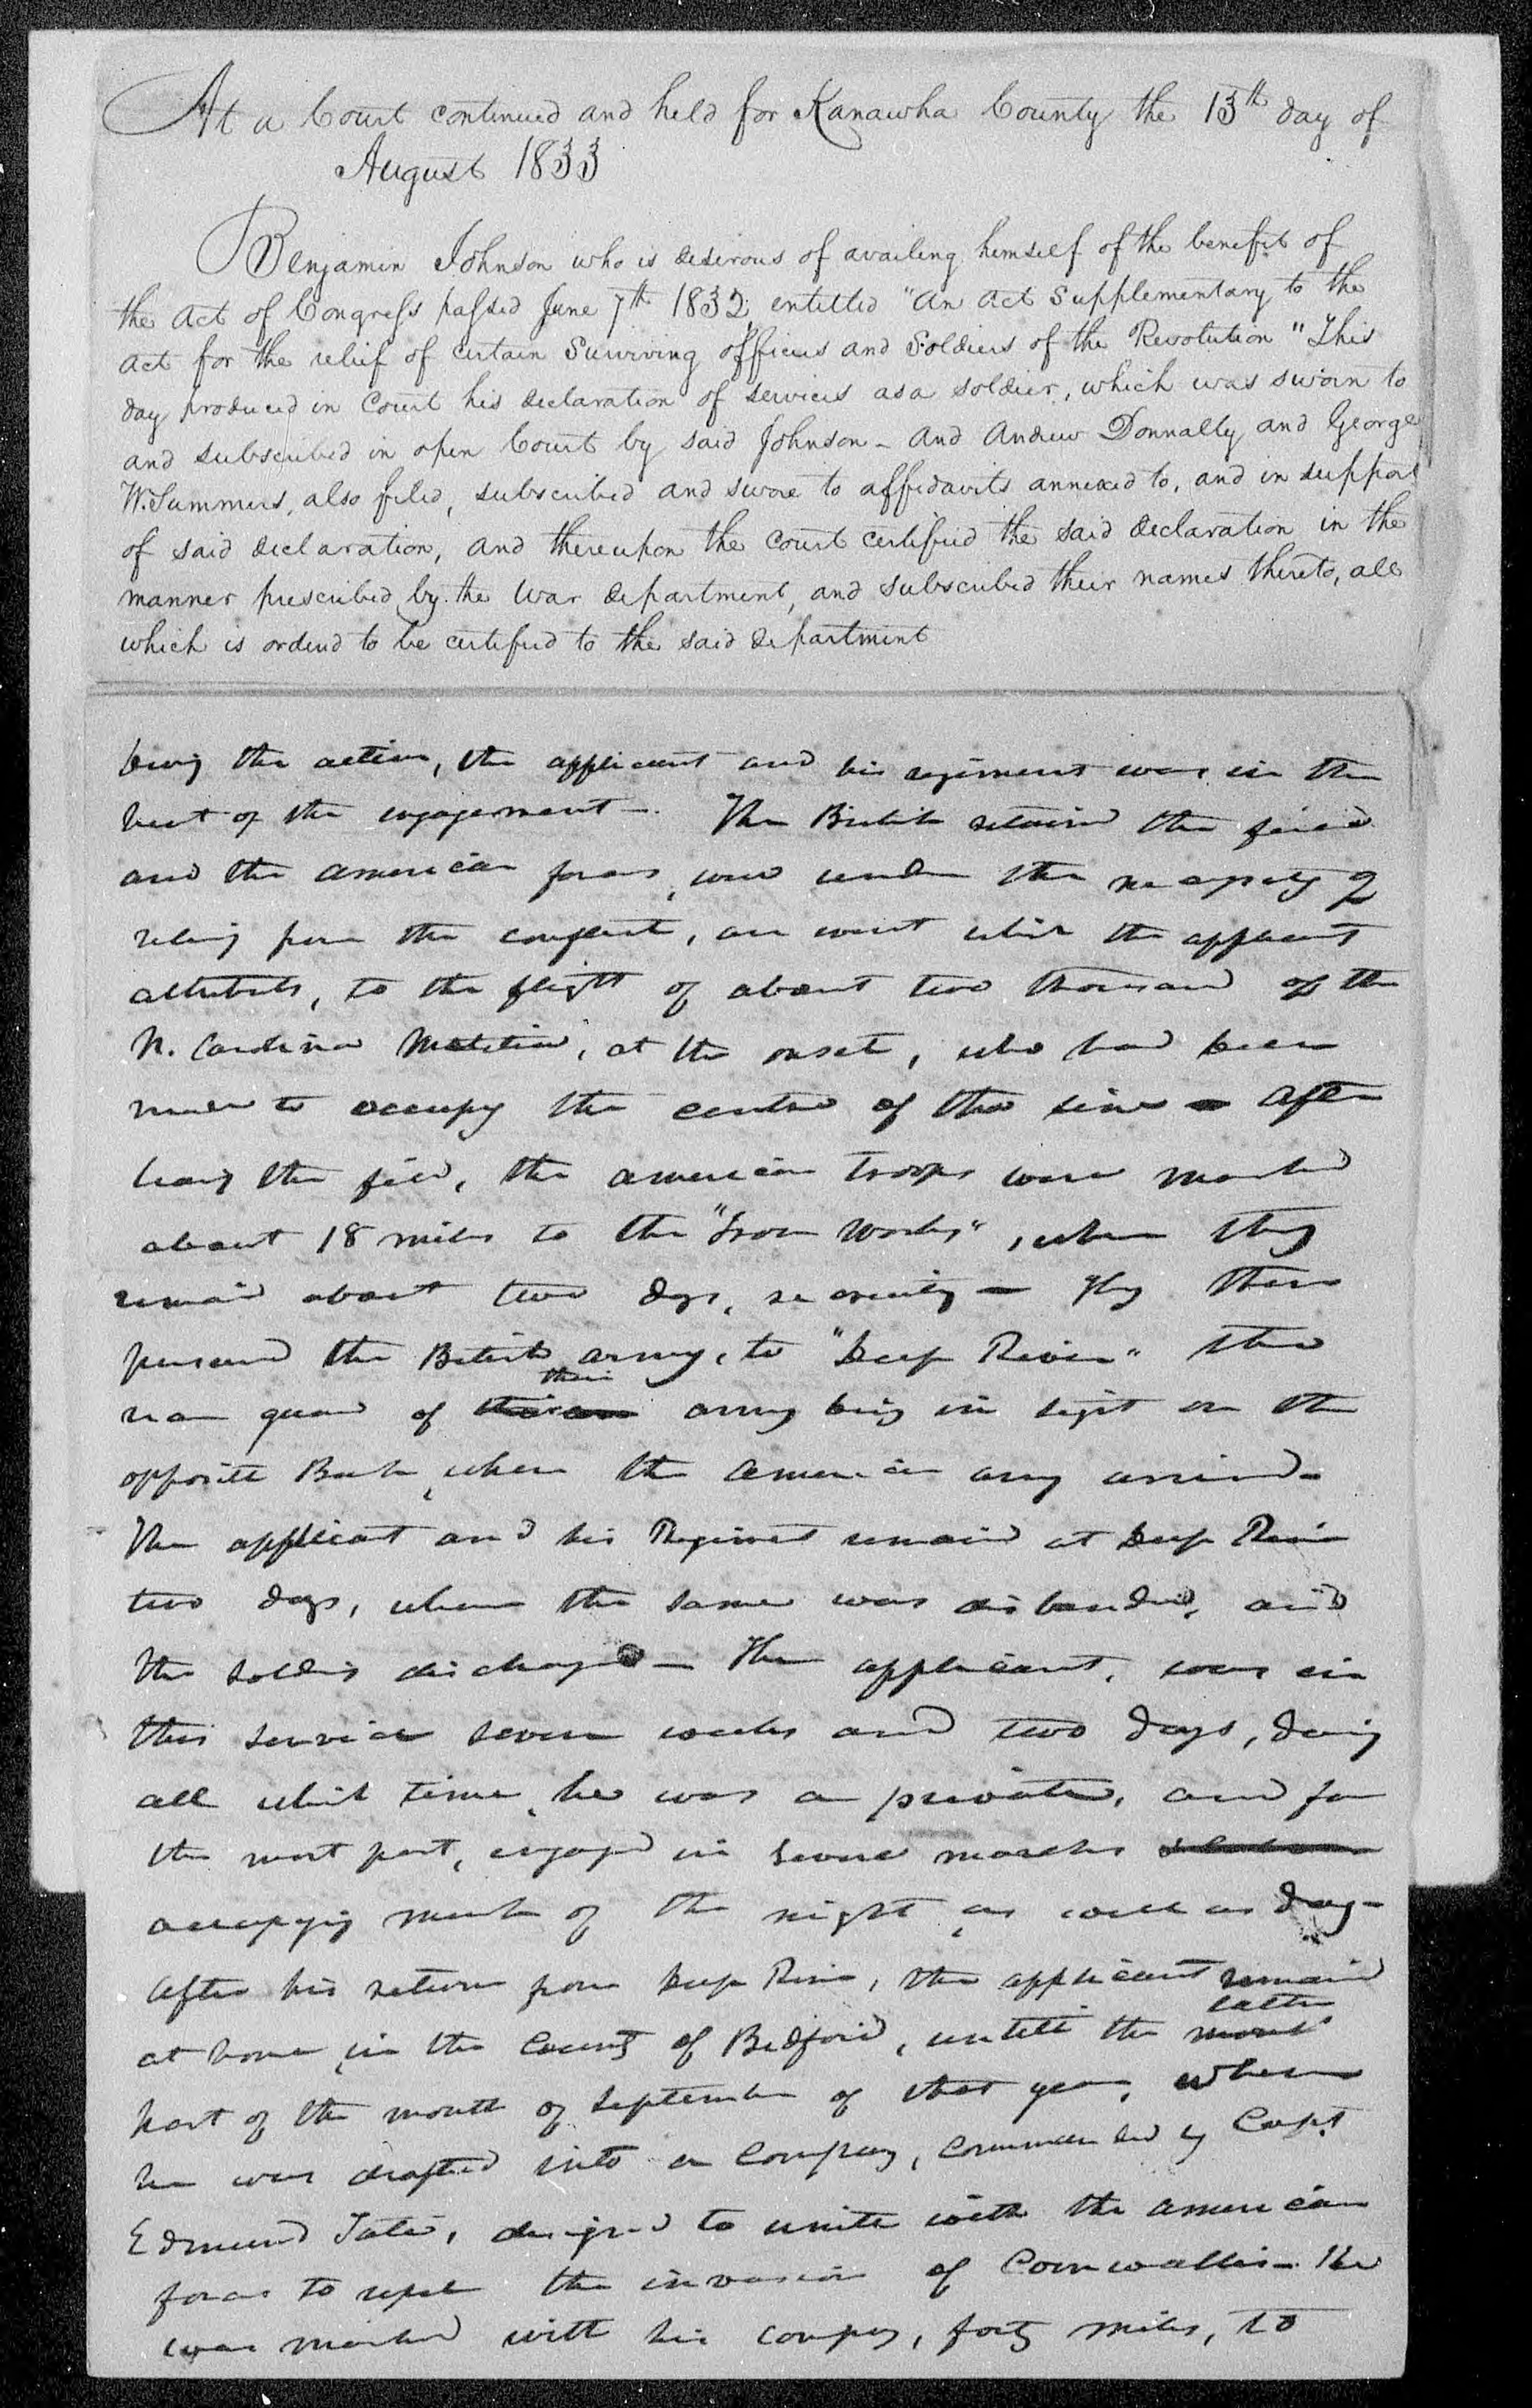At a Court continued and held for Kanawha County the 13th day of August 1833 Benjamin Johnson who is desirous of availing himself of the benefit of the act of Congress passed June 7th 1832, entitled "An act supplementary to the act for the relief of certain surviving officers and Soldiers of the Revolution "This day produced in Court his declaration of services as a soldier, which was sworn to and subscribed in open Court by said Johnson and Andrew Donnally and George W. Summers, also filed, subscribed and sworn to affidavits annexed to and in support of said declaration, and thereupon the court certified the said declaration in the manner prescribed by the war department, and subscribed their names thereto, all which is ordered to be certified to the said department

being the action, the applicant and his regiment was in the heat of the engagement the British retained the field and the American forces were under the majority 2 [unreadable] from the conflict, an event which the applicant attributes to the flight of about two thousand of the N. Carolina Militia, at the onset, who had been man to occupy the center of the line  - after braving the fire, the American troops were march about 18 miles to the "Iron Works”, where they remained about two days, as sentry -  by these person the British army to “Deep River” the main guard of there army being in sight of the opposite bank when the American army arrived the applicant and his Regiment remained at Deep River two days, when the same was disbanded and the soldiers discharged - the applicant was in this service seven weeks and two days, during all which time he was a private, and for the most part, enjoined in some marches occupying much of the night as well as day after his return from Deep River, the applicant remained at home in the County of Bedford, untill the late  part of the month of September of that year when he was drafted into a company commanded by Capt Edmund Tate, designed to unite with the American forces to repel the invasion of Cornwallis – He was marched with his company, forty miles to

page: 4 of 17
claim: rejected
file: R. 5674, for Benjamin Johnson, Virginia